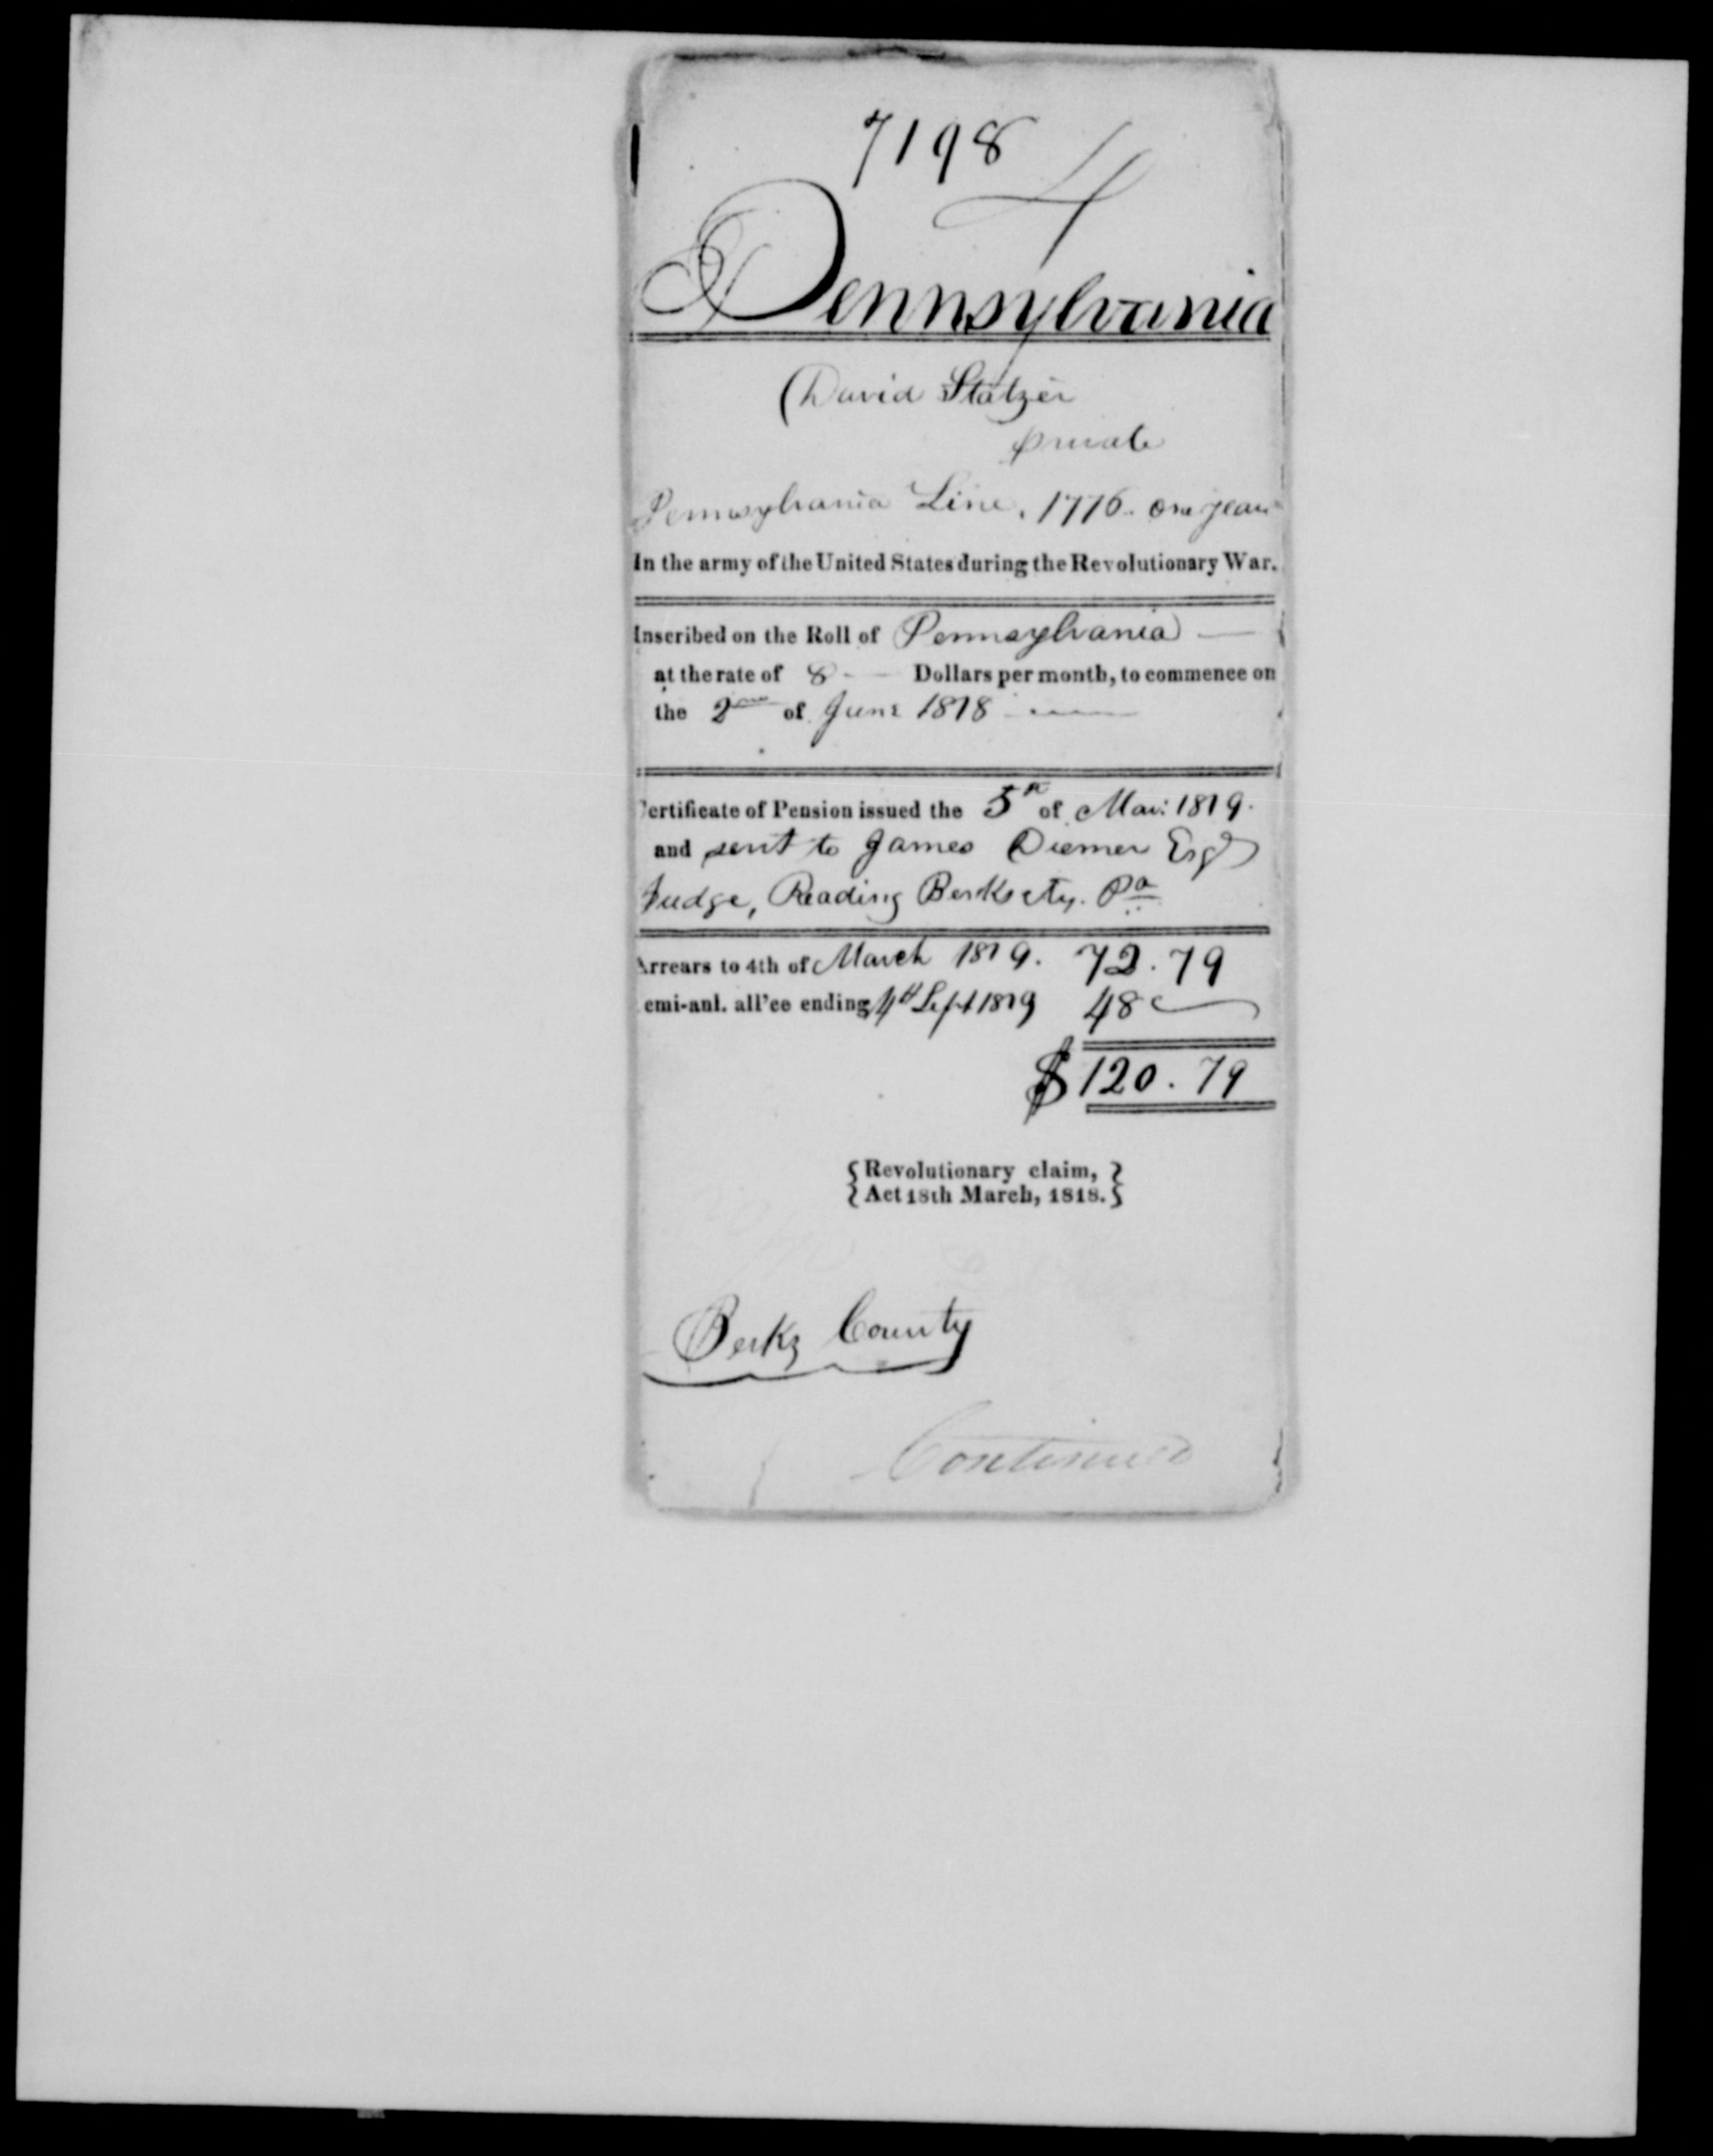7198
Pennsylvania
David Statzer, private, Pennsylvania Line, 1776. one year in the army of the United States during the Revolutionary War.
Inscribed on the Roll of Pennsylvania at the rate of 8 Dollars per month, to commence on the 2nd of June 1818.
Certificate of Pension issued the 5th of Mar 1819 and sent to James Diemer, Esq., Judge, Reading Berks County, Pa.
Arrears to 4th of March 1819. 72.79
Semi-annual allowance ending 4th Sept 1819 48.00
$120.72
{Revolutionary claim, Act 18th March, 1818.}
Berks County
Continued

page: 2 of 28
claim: widow's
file: W. 3163, for David Statser, Pennsylvania